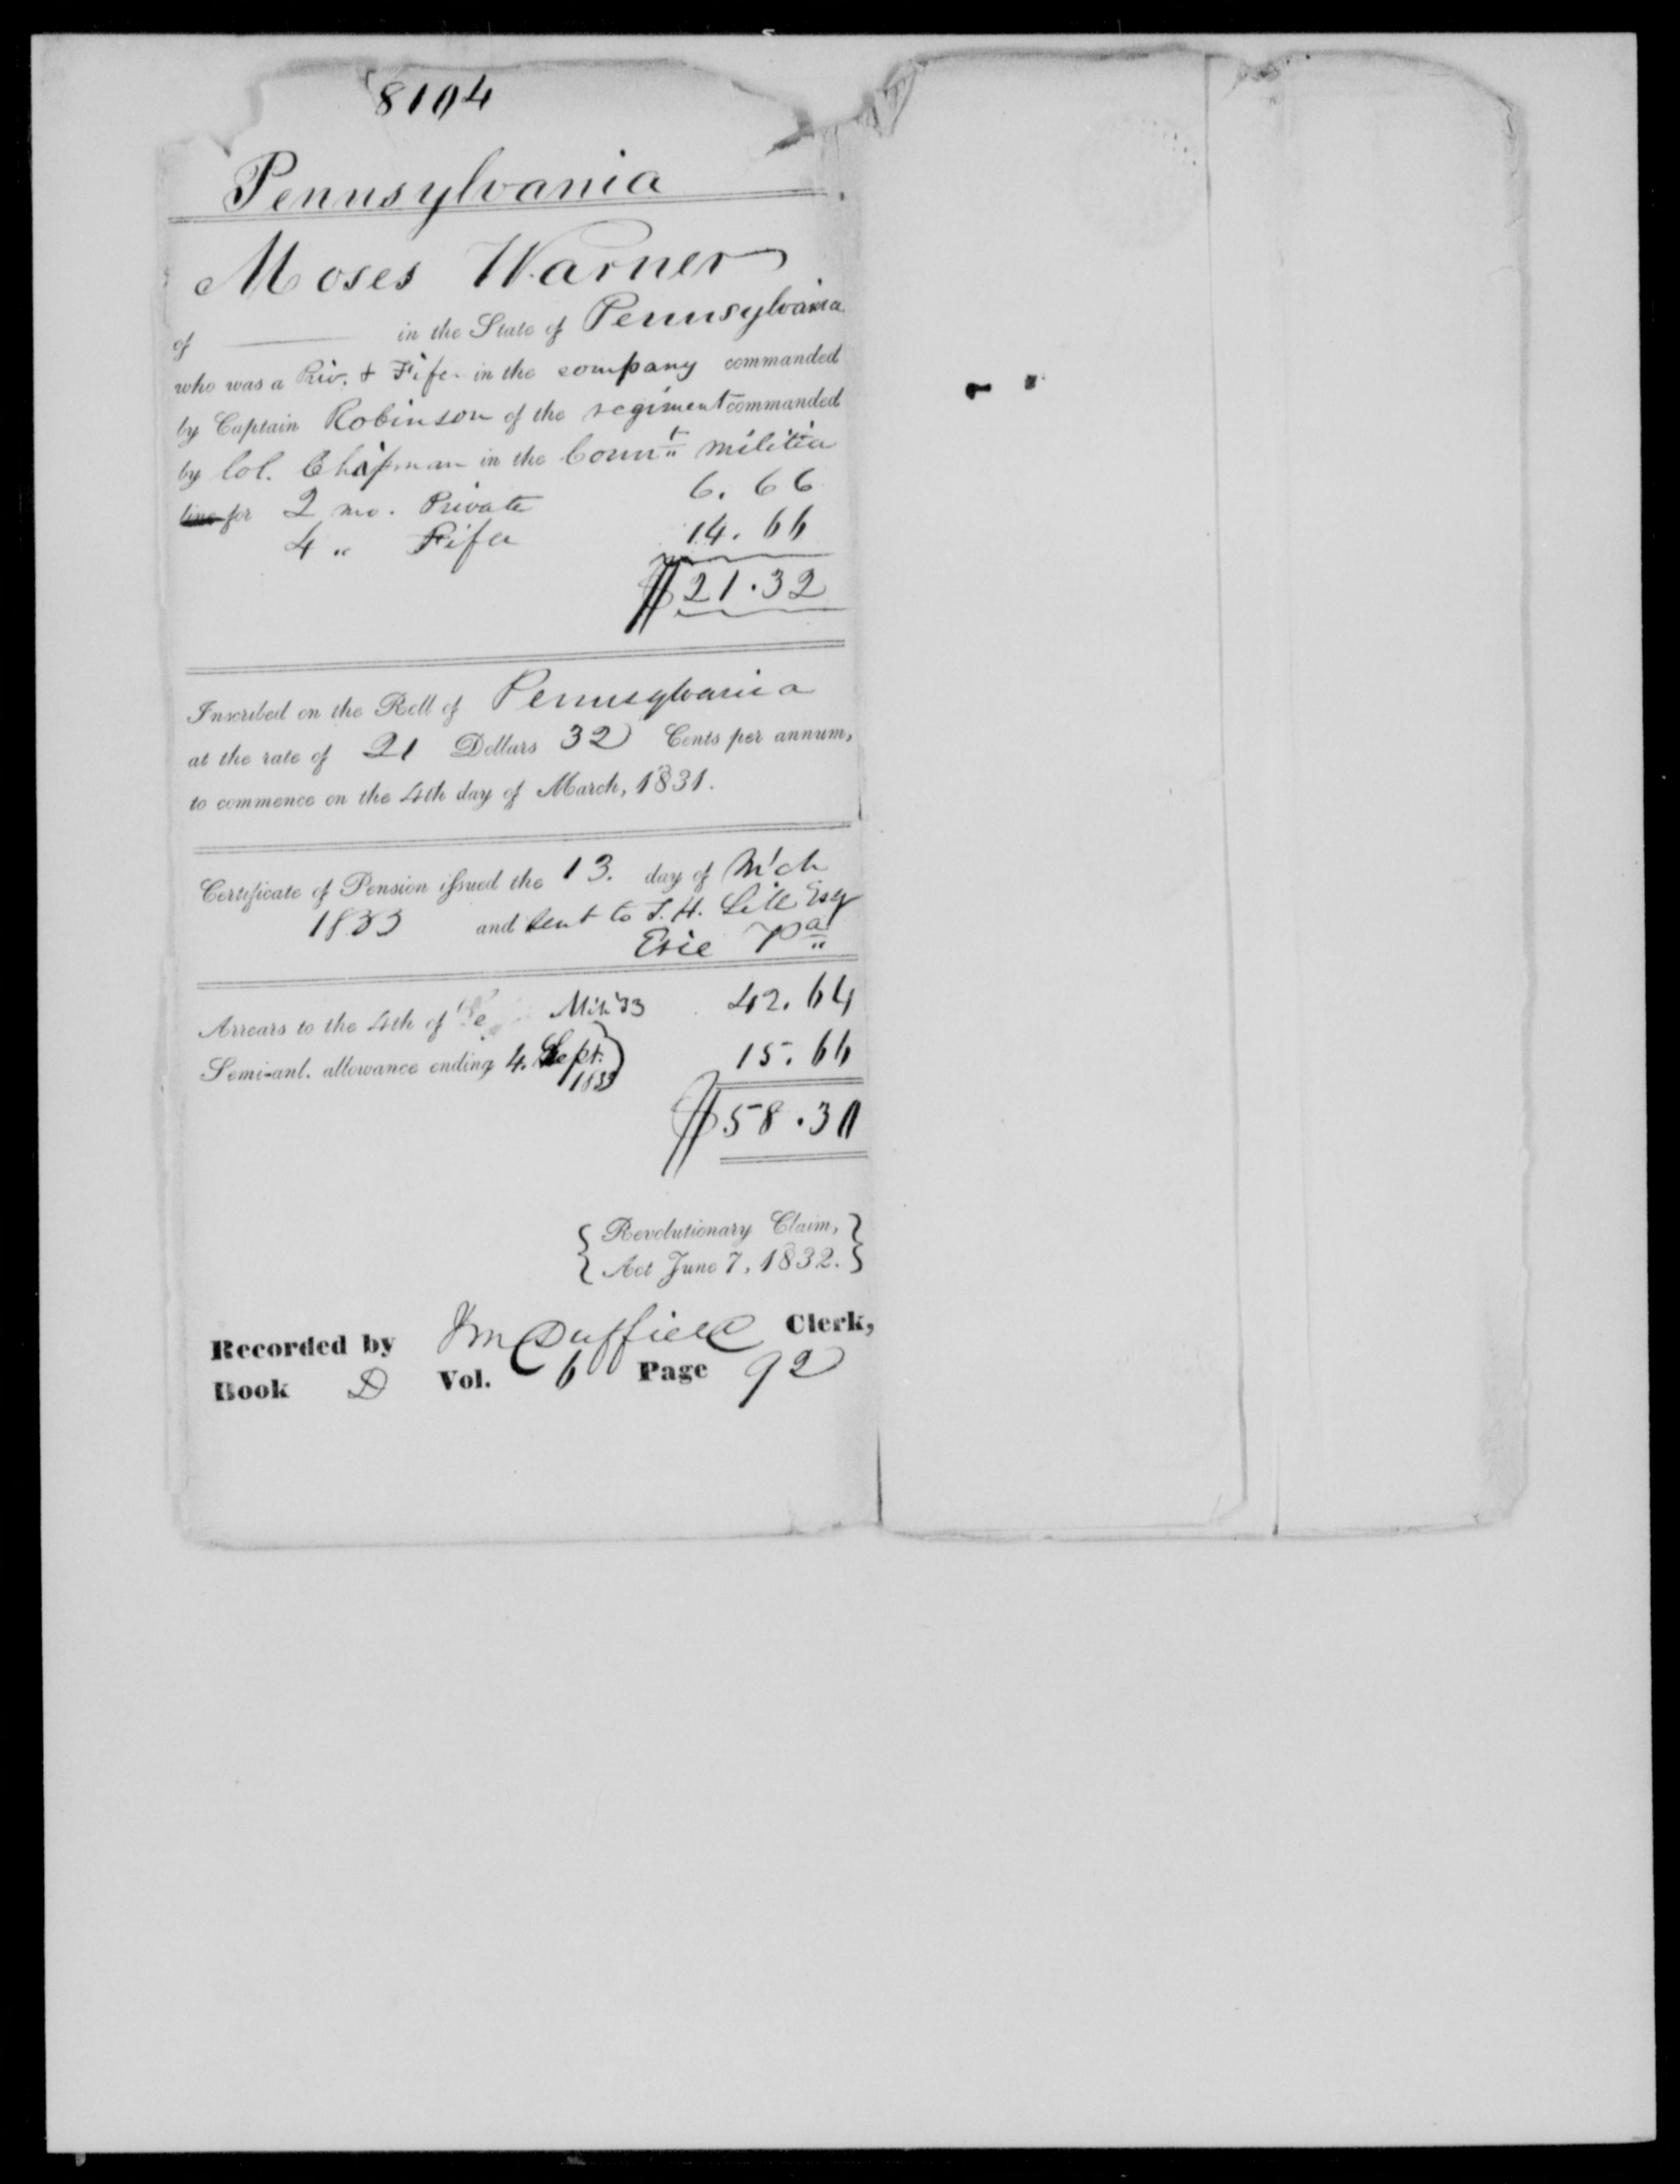8194
Pennsylvania
Moses Warner
of ------ in the State of Pennsylvania
who was a Priv and Fifer in the company commanded
by Captain Robinson of the regiment commanded
by Col. Chapman in the Conn"t militia
for 2 mo. Private          6.66
4 mo Fifer                   14.66
$21.32
Inscribed on the Roll of Pennsylvania
at the rate of 21 Dollars 32 Cents per annum,
to commence on the 4th day of March, 1831.
Certificate of Pension issued the 13 day of March
1833 and send to S. H. Lile Esq
Erie Pa
Arrears to the 4th of September 33    42.64
Semi-anl. allowance ending 4. Sept 1839  15.66
$58.30
{Revolutionary Claim,}
{Act June 7, 1832.}
Recorded by J M Duffield Clerk,
Book D Vol. 6 Page 92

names: Moses Warner, Robinson, Chapman, S H Sill, J M Duffield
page: 3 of 40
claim: widow's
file: W. 3742, Moses Warner, Conn.